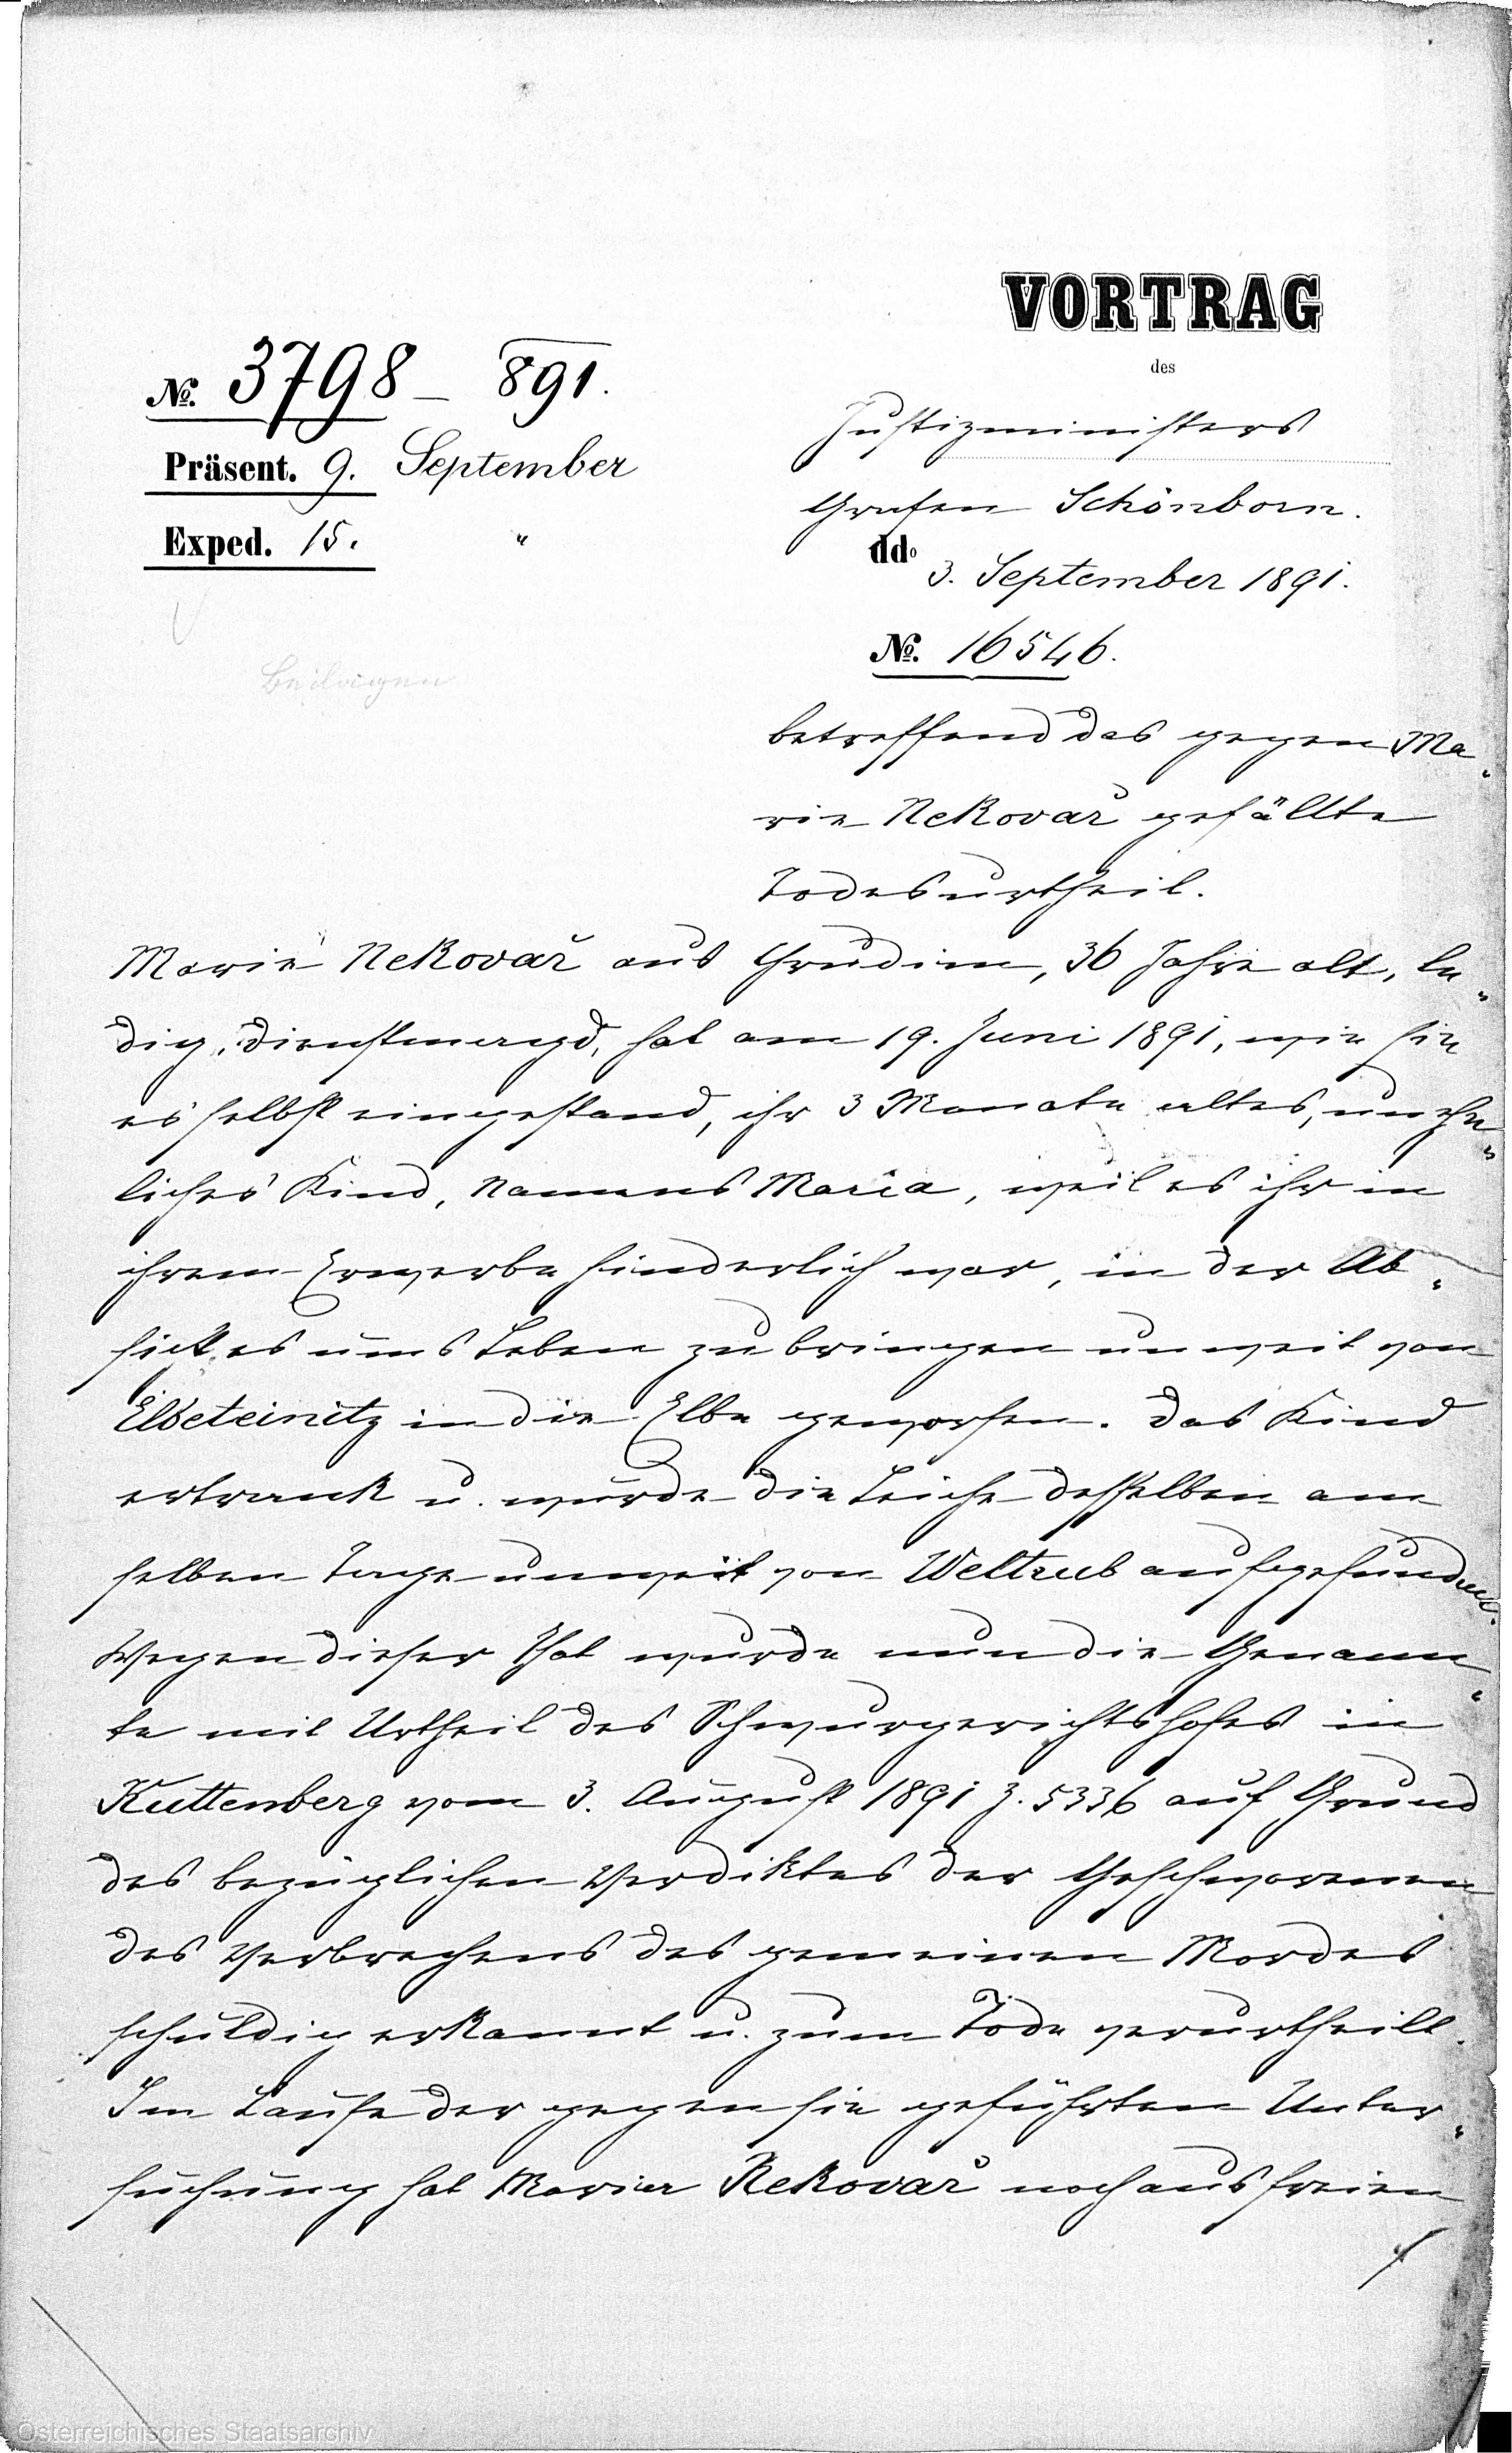No. 3798 - 1891
Präsent. 9. September
Exped. 15. „
Beilagen
VORTRAG
des
Justizministers
Grafen Schönborn
ddo 3. September 1891
No. 16546
Betreffend das gegen Ma¬
rie Nekovař gefällte
Todesurtheil.
Marie Nekovař aus Chrudim, 36 Jahre alt, le¬
dig, Dienstmagd, hat am 19. Juni 1891, wie sie
es selbst eingestand, ihr 3 Monate altes, unehe¬
liches Kind, Namens Maria, weil es in
ihrem Erwerbe hinerlich war, in der Ab¬
sicht es ums Leben zu bringen unweit von
Elbeteinitz in die Elbe geworfen. Das Kind
ertrank u. wurde die Leiche desselben am
selben Tage unweit von Weltrub aufgefunden.
Wegen dieser That wurde nun die Genannte
mit Urtheil des Schwurgerichtshofes in
Kuttenberg vom 3. August 1891 Z 5336 auf Grund
des bezüglichen Verdiktes der Geschworenen
des Verbrechens des gemeinen Mordes
schuldig erkannt u. zum Tode verurtheilt.
Im Laufe der gegen sie geführte Unter¬
suchung hat Maria Nekovař noch aus freien